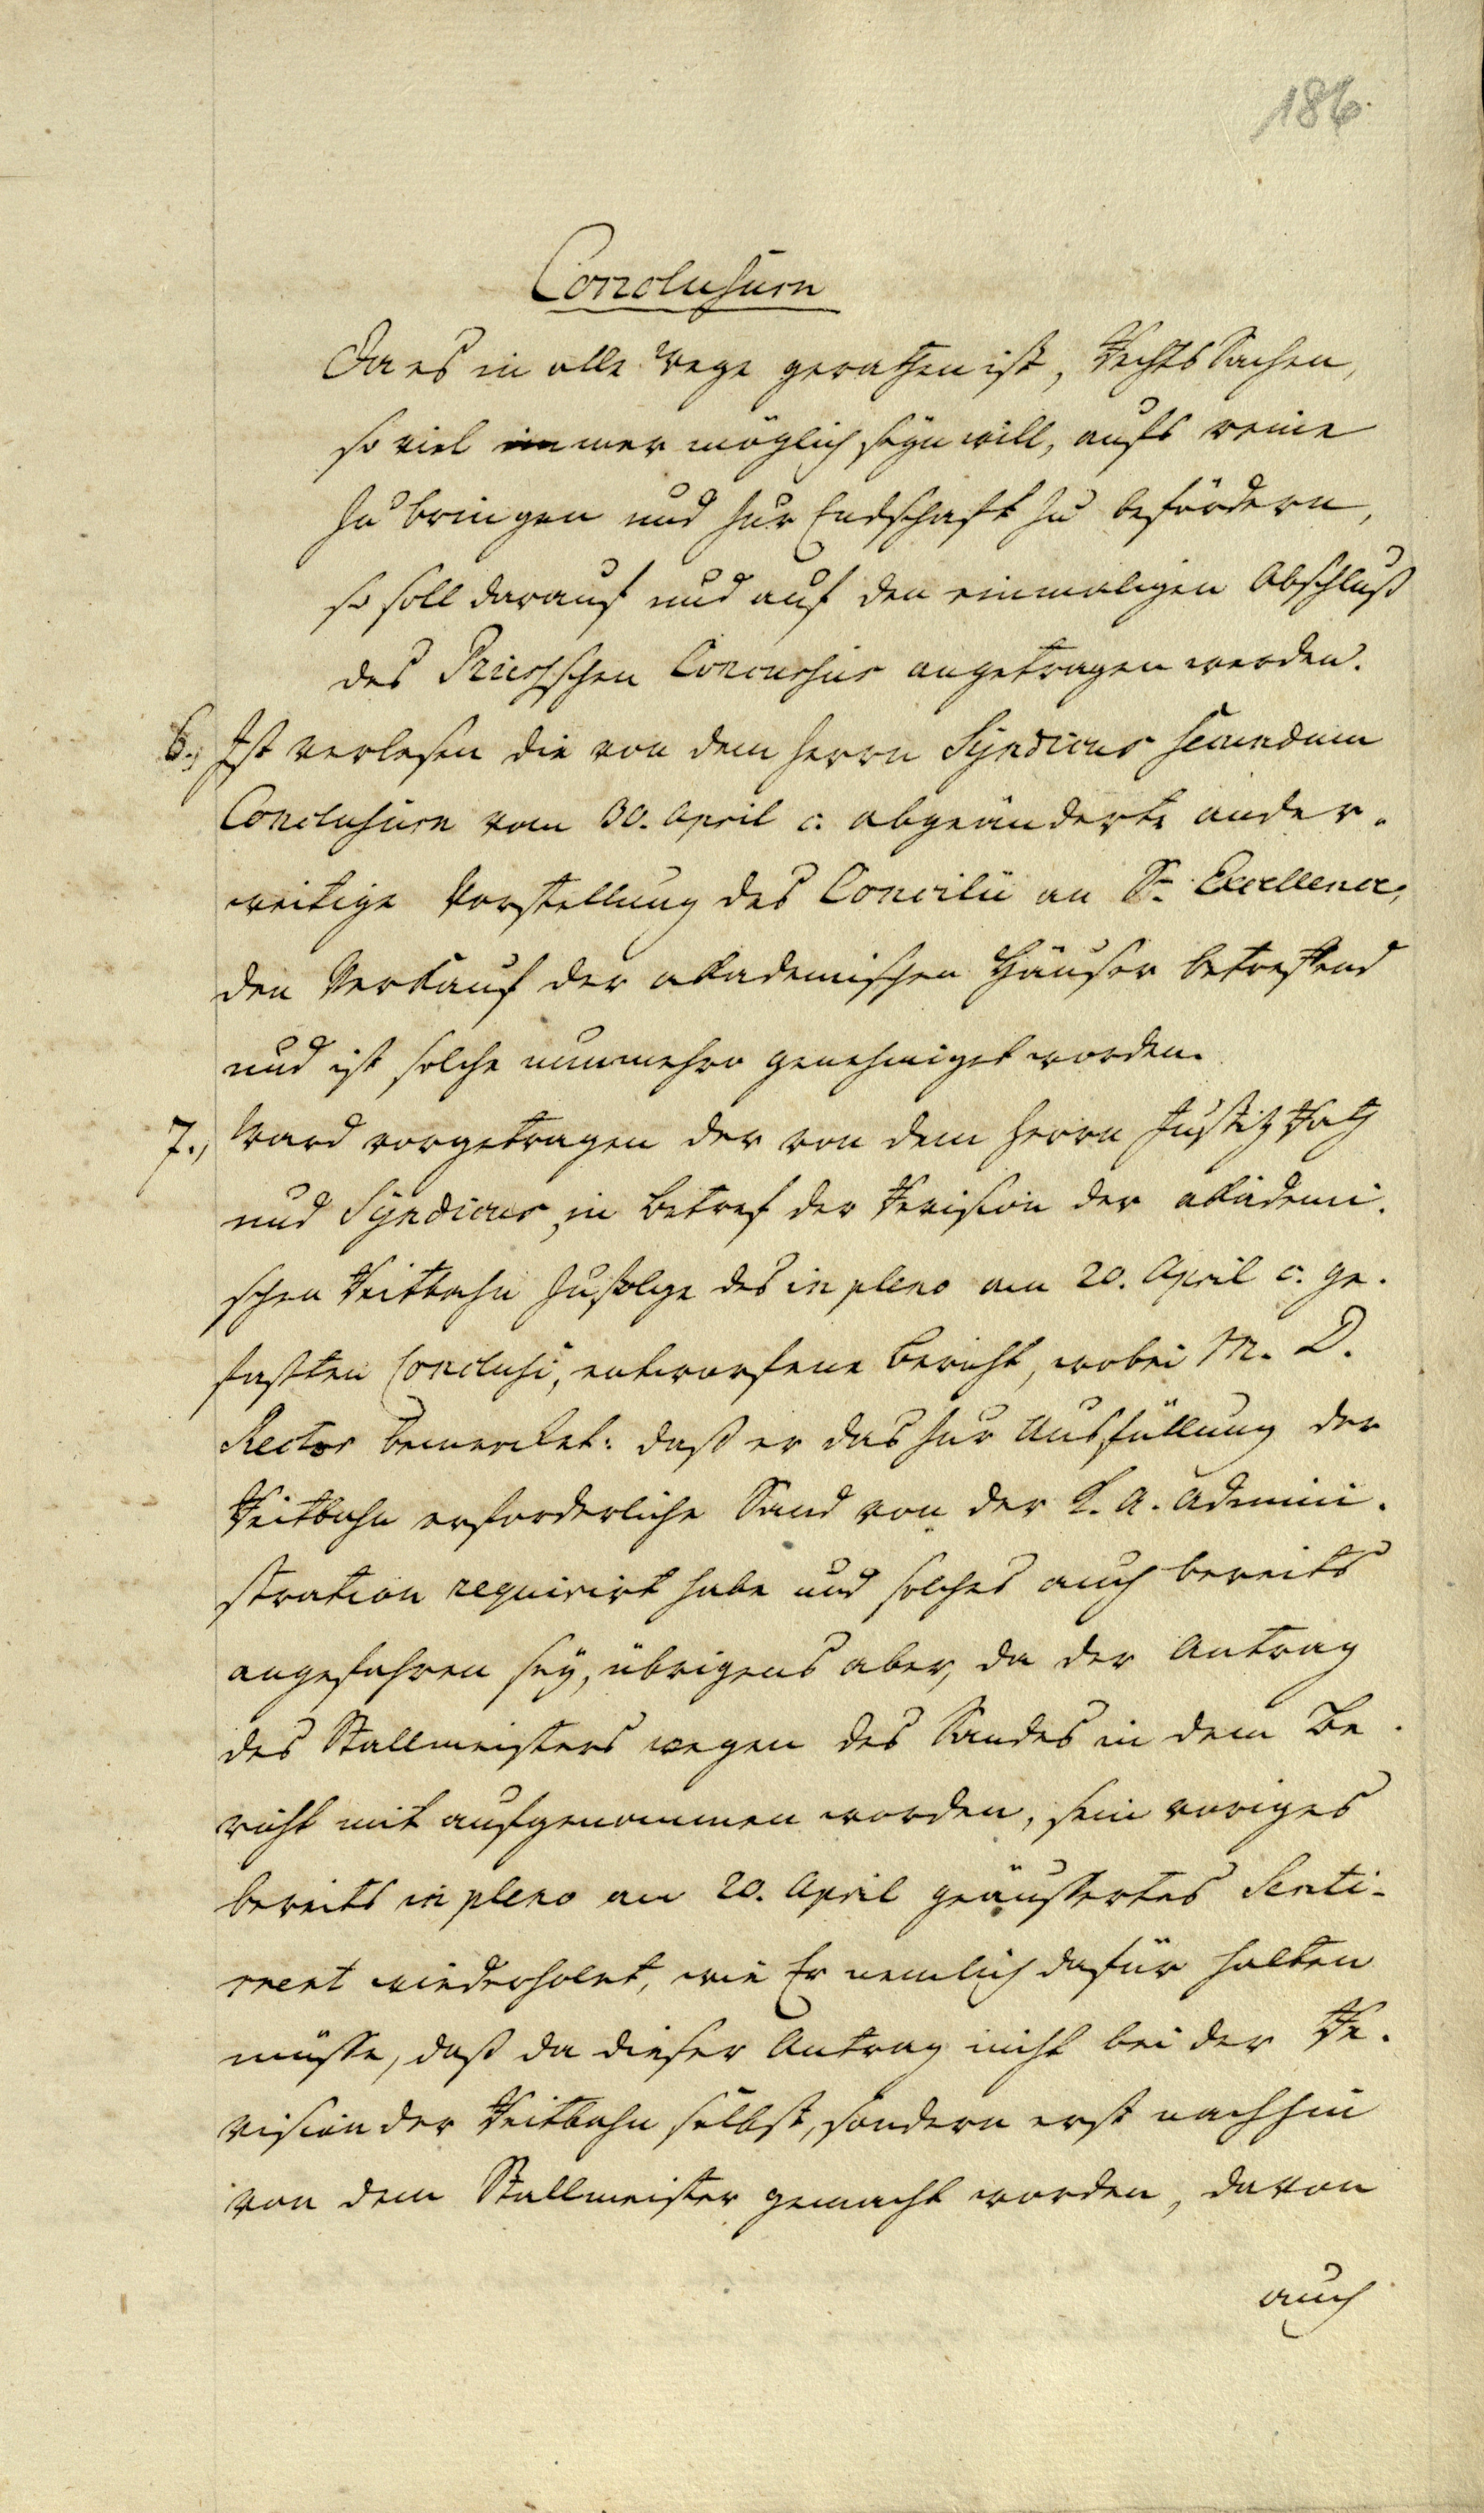Conclusum
Da es in alle Wege gerathen ist, Rechts Sachen,
so viel immer möglich seyn will, aufs reine
zu bringen und zur Endschaft zu befördern,
so soll darauf und auf den einmaligen Abschluß
des Prießschen Concursus angetragen werden.
6., Ist verlesen die von dem Herrn Sÿndicus secundum
Conclusum vom 30. April c. abgeänderte ander¬
weitige Vorstellung des Concilii an Sr. Excellence,
den Verkauf der akademischen Häuser betreffend
und ist solche nunmehro genehmiget worden.
7., Ward vorgetragen der von dem Herrn Justiz Rath
und Sÿndicus, in Betref der Revision der akademi¬
schen Reitbahn zufolge des in pleno am 20. April c. ge¬
fasten Conclusi entworfene Bericht, wobei M. D.
Rector bemercket: daß er das zur Ausfüllung der
Reitbahn erforderliche Sand von der K. A. Admini¬
stration requirirt habe und solches auch bereits
angefahren seÿ, übrigens aber, da der Antrag
des Stallmeisters wegen des Sandes in dem Be¬
richt mit aufgenommen worden, sein voriges
bereits in pleno an 20. April geäussertes Senti¬
ment wiederholet, wie Er nemlich dafür halten
müsse, daß da dieser Antrag nicht bei der Re¬
vision der Reitbahn selbst, sondern erst nachhin
von dem Stallmeister gemacht worden, davon
auch